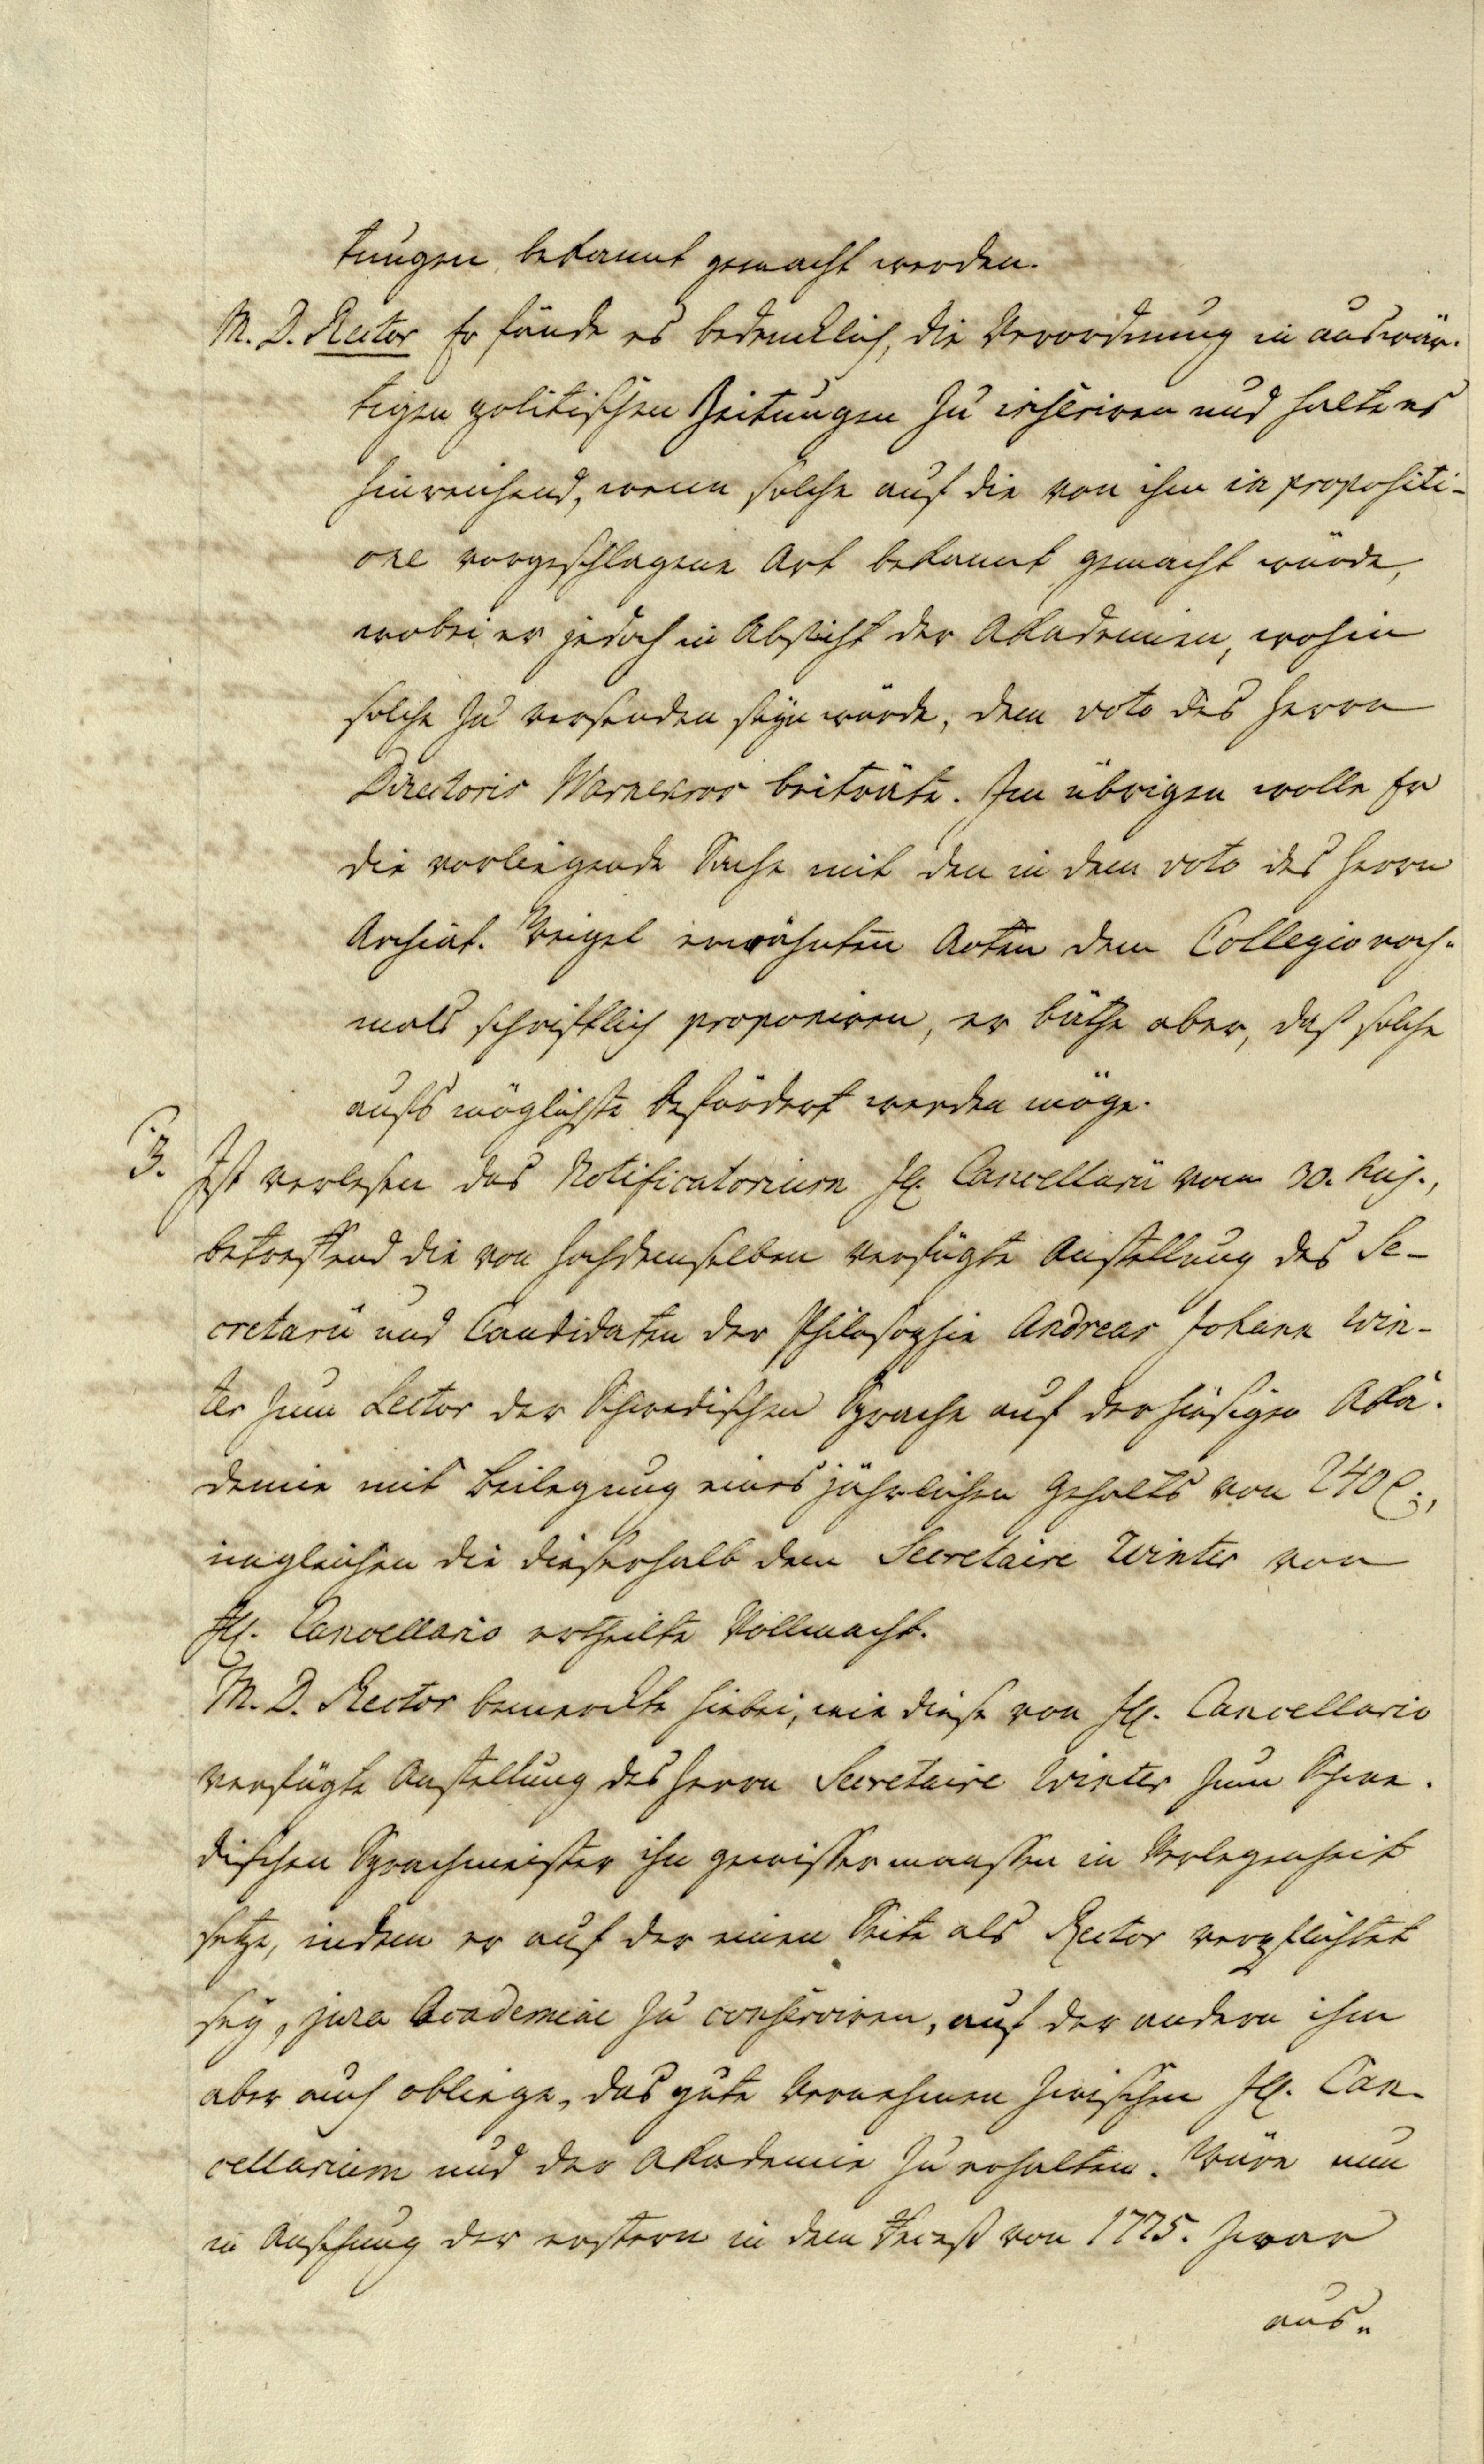tungen bekannt gemacht werden.
M. D. Rector Er fände es bedencklich, die Verordnung in answär¬
tigen politischen Zeitungen zu inseriren und halte es
hinreichend, wenn solche auf die von ihm in propositi¬
one vorgeschlagene Art bekannt gemacht würde,
wobei er jedoch in Absicht der Akademien, wohin
solche zu versenden seÿn würde, dem voto des Herrn
Directoris Warnekros beiträte. Im übrigen wolle Er
die vorliegende Sache mit den in dem voto des Herrn
Archiat. Weigel erwähnten Acten dem Collegio noch¬
mals schriftlich proponiren, er bäthe aber, daß solche
aufs möglichste befördert werden möge.
3. Ist verlesen das Notificatorium Ill. Cancellari vom 30. huj.,
betreffend die von Hochdemselben verfügte Anstellung des Se¬
cretarii und Candidaten der Philosophie Andreas Johann Win¬
ter zum Lector der Schwedischen Sprache auf der hiesigen Aka¬
demie mit Beilegung eines jährlichen Gehalts von 240 l.,
imgleichen die dieserhalb dem Secretaire Winter von
Ill. Cancellario ertheilte Vollmacht.
M. D. Rector bemerckte hiebei, wie diese von Ill. Cancellario
verfügte Anstellung des Herrn Secretaire Winter zum Schwe¬
dischen Sprachmeister ihn gewissermaassen in Verlegenheit
setze, indem er auf der einen Seite als Rector verpflichtet
seÿ, jura Academiae zu conserviren, auf der andern ihm
aber auch obliege, das gute Vernehmen zwischen Ill. Can¬
cellarium und der Akademie zu erhalten. Wäre nun
in Ansehung der erstern in dem Receß von 1775. zwar
aus